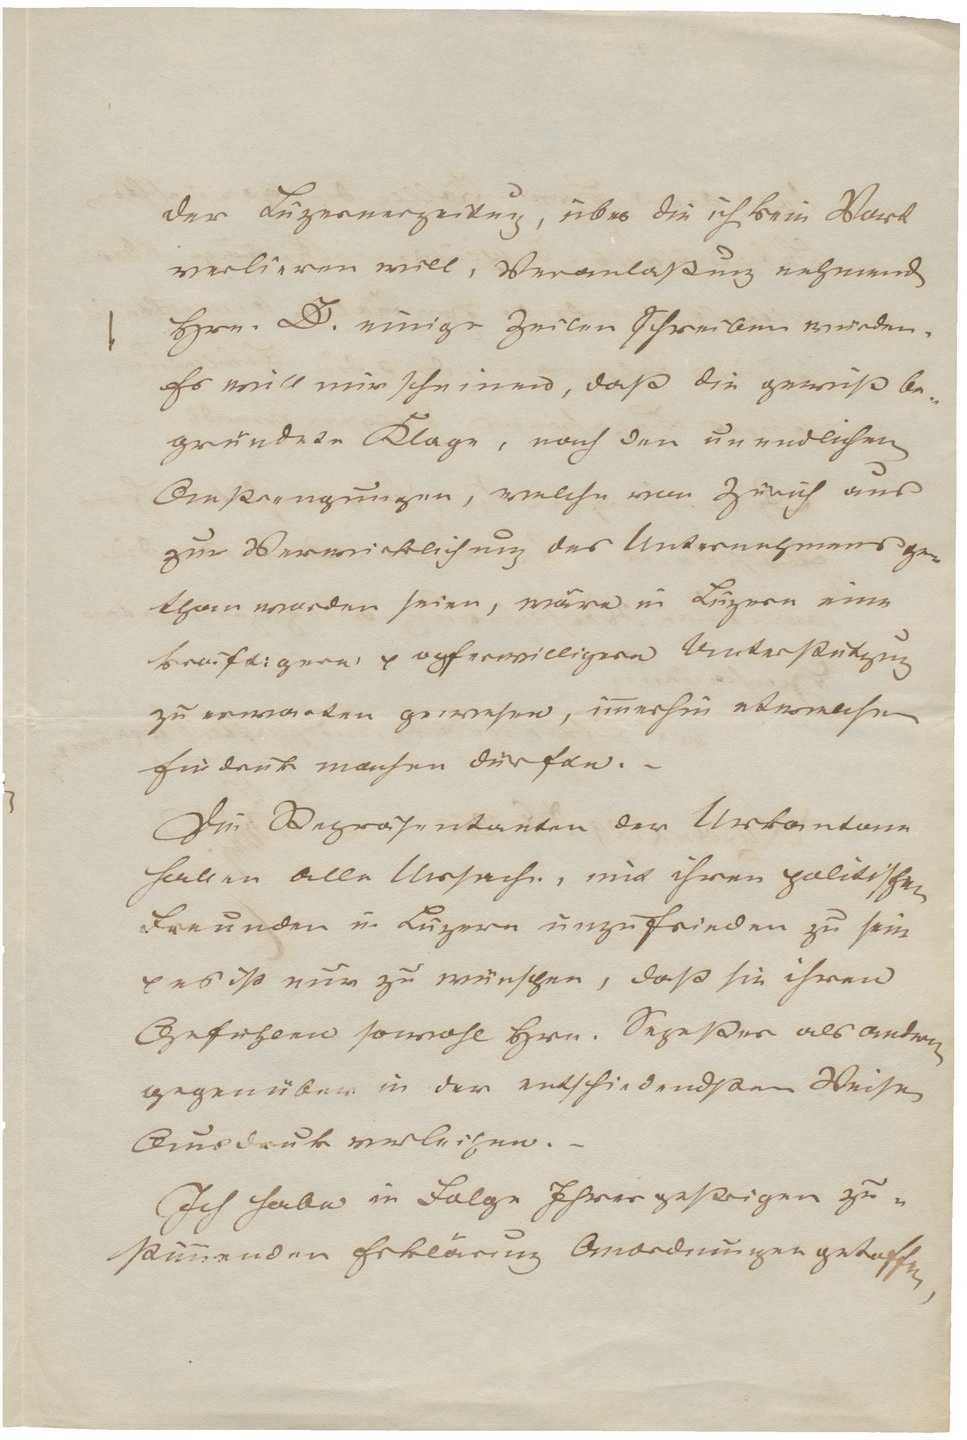der Luzernerzeitung, über die ich kein Wort
verlieren will, Veranlaßung nehmend
Hrn. D. einige Zeilen schreiben würden.
Es will mir scheinen, daß die gewiß be-
gründete Klage, nach den unendlichen
Anstrengungen, welche von Zürich aus
zu Verwirklichung des Unternehmens ge-
than worden seien, wäre in Luzern eine
kräftigere & opferwilligere Unterstützung
zu erwarten gewesen, immerhin etwelchen
Eindruk machen dürfte. –
Die Repräsentanten der Urkantone
haben alle Ursache, mit ihren politischen
Freunden in Luzern unzufrieden zu sein
& es ist nur zu wünschen, daß sie ihren
Gefühlen sowohl Hrn. Segeßer als andern
gegenüber in der entschiedendsten Weise
Ausdruk verleihen. –
Ich habe in Folge Ihrer gestrigen zu-
stimmenden Erklärung Anordnungen getroffen,